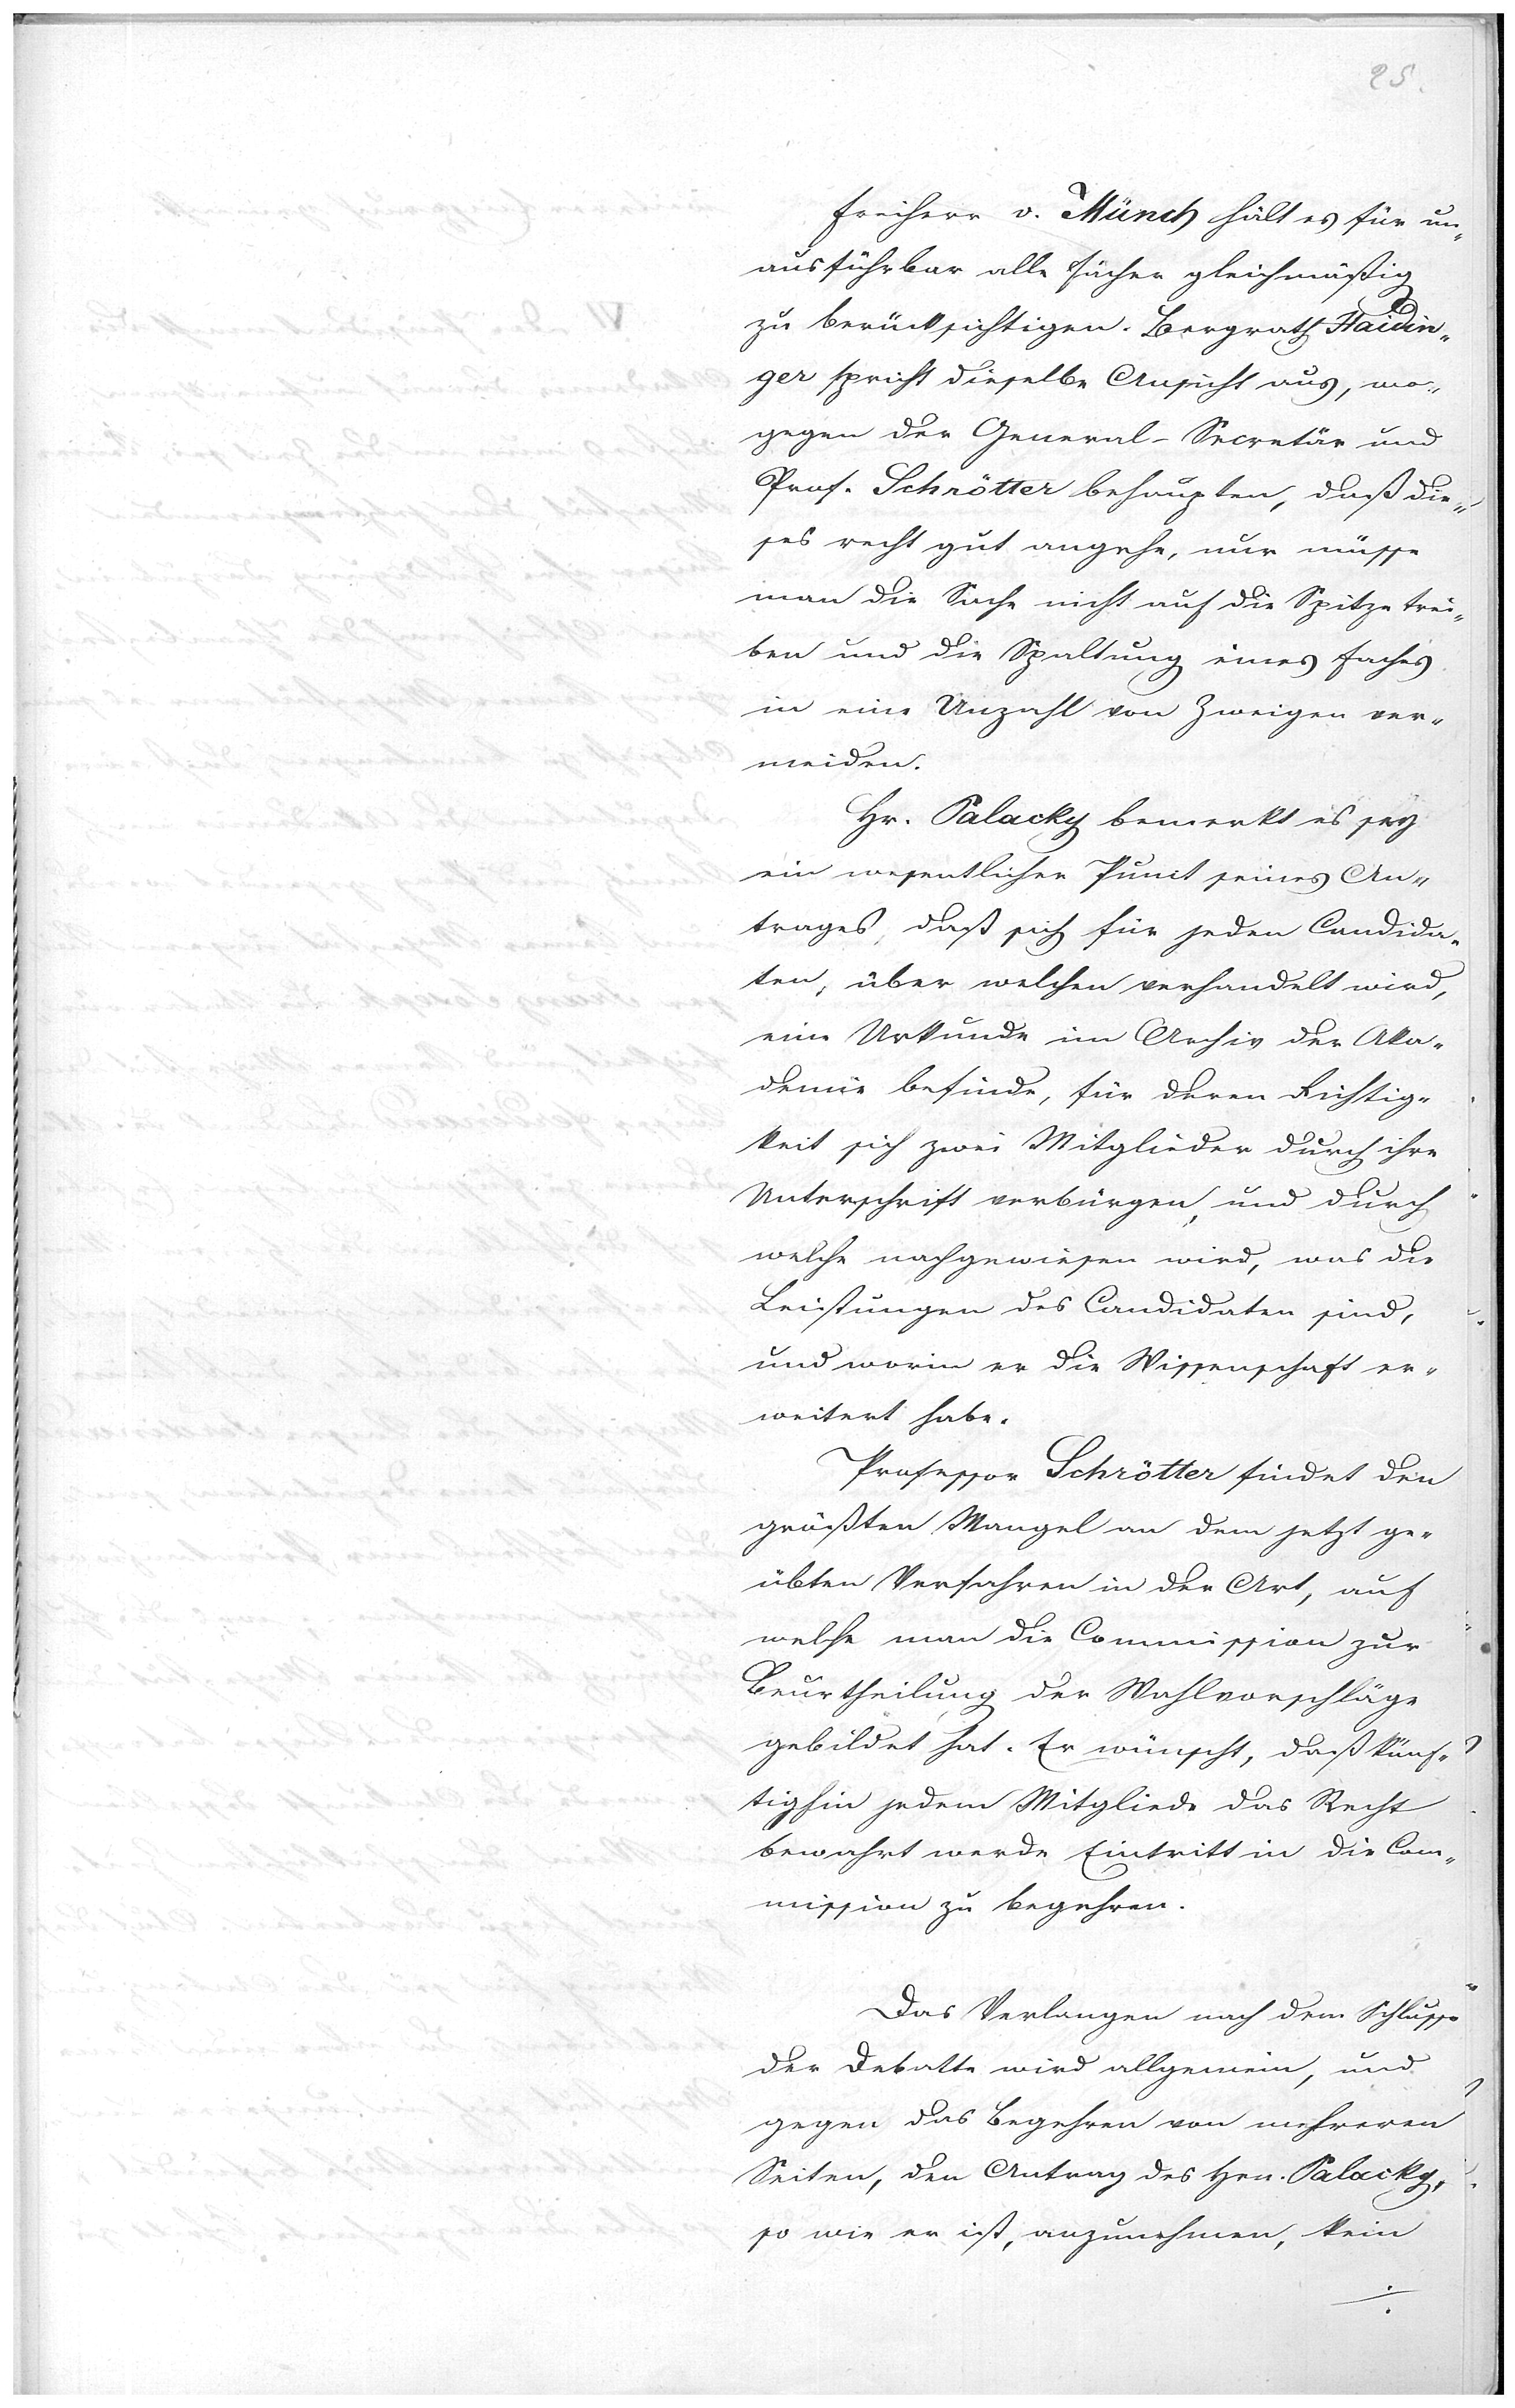Freiherr v. Münch hält es für un-
ausführbar alle Fächer gleichmäßig
zu berücksichtigen. Bergrath Haidin-
ger spricht dieselbe Ansicht aus, wo-
gegen der General-Secretär und
Prof. Schrötter behaupten, daß die-
ses recht gut angehe, nur müsse
man die Sache nicht auf die Spitze trei-
ben und die Spaltung eines Faches
in eine Anzahl von Zweigen ver-
meiden.
Hr. Palacky bemerkt es sey
ein wesentlicher Punct seines An-
trages, daß sich für jeden Candida-
ten, über welchen verhandelt wird,
eine Urkunde im Archiv der Aka-
demie befinde, für deren Richtig-
keit sich zwei Mitglieder durch ihre
Unterschrift verbürgen und durch
welche nachgewiesen wird, was die
Leistungen des Candidaten sind,
und worin er die Wissenschaft er-
weitert habe.
Professor Schrötter findet den
größten Mangel an dem jetzt ge-
übten Verfahren in der Art, auf
welche man die Commission zur
Beurtheilung der Wahlvorschläge
gebildet hat. Er wünscht, daß künf-
ighin jedem Mitgliede des Recht
bewahrt werde Eintritt in die Com-
mission zu begehren.
Das Verlangen nach dem Schlusse
der Debatte wird allgemein, und
gegen das Begehren von mehreren
Seiten, den Antrag des Hrn. Palacky,
so wie er ist, anzunehmen, kein